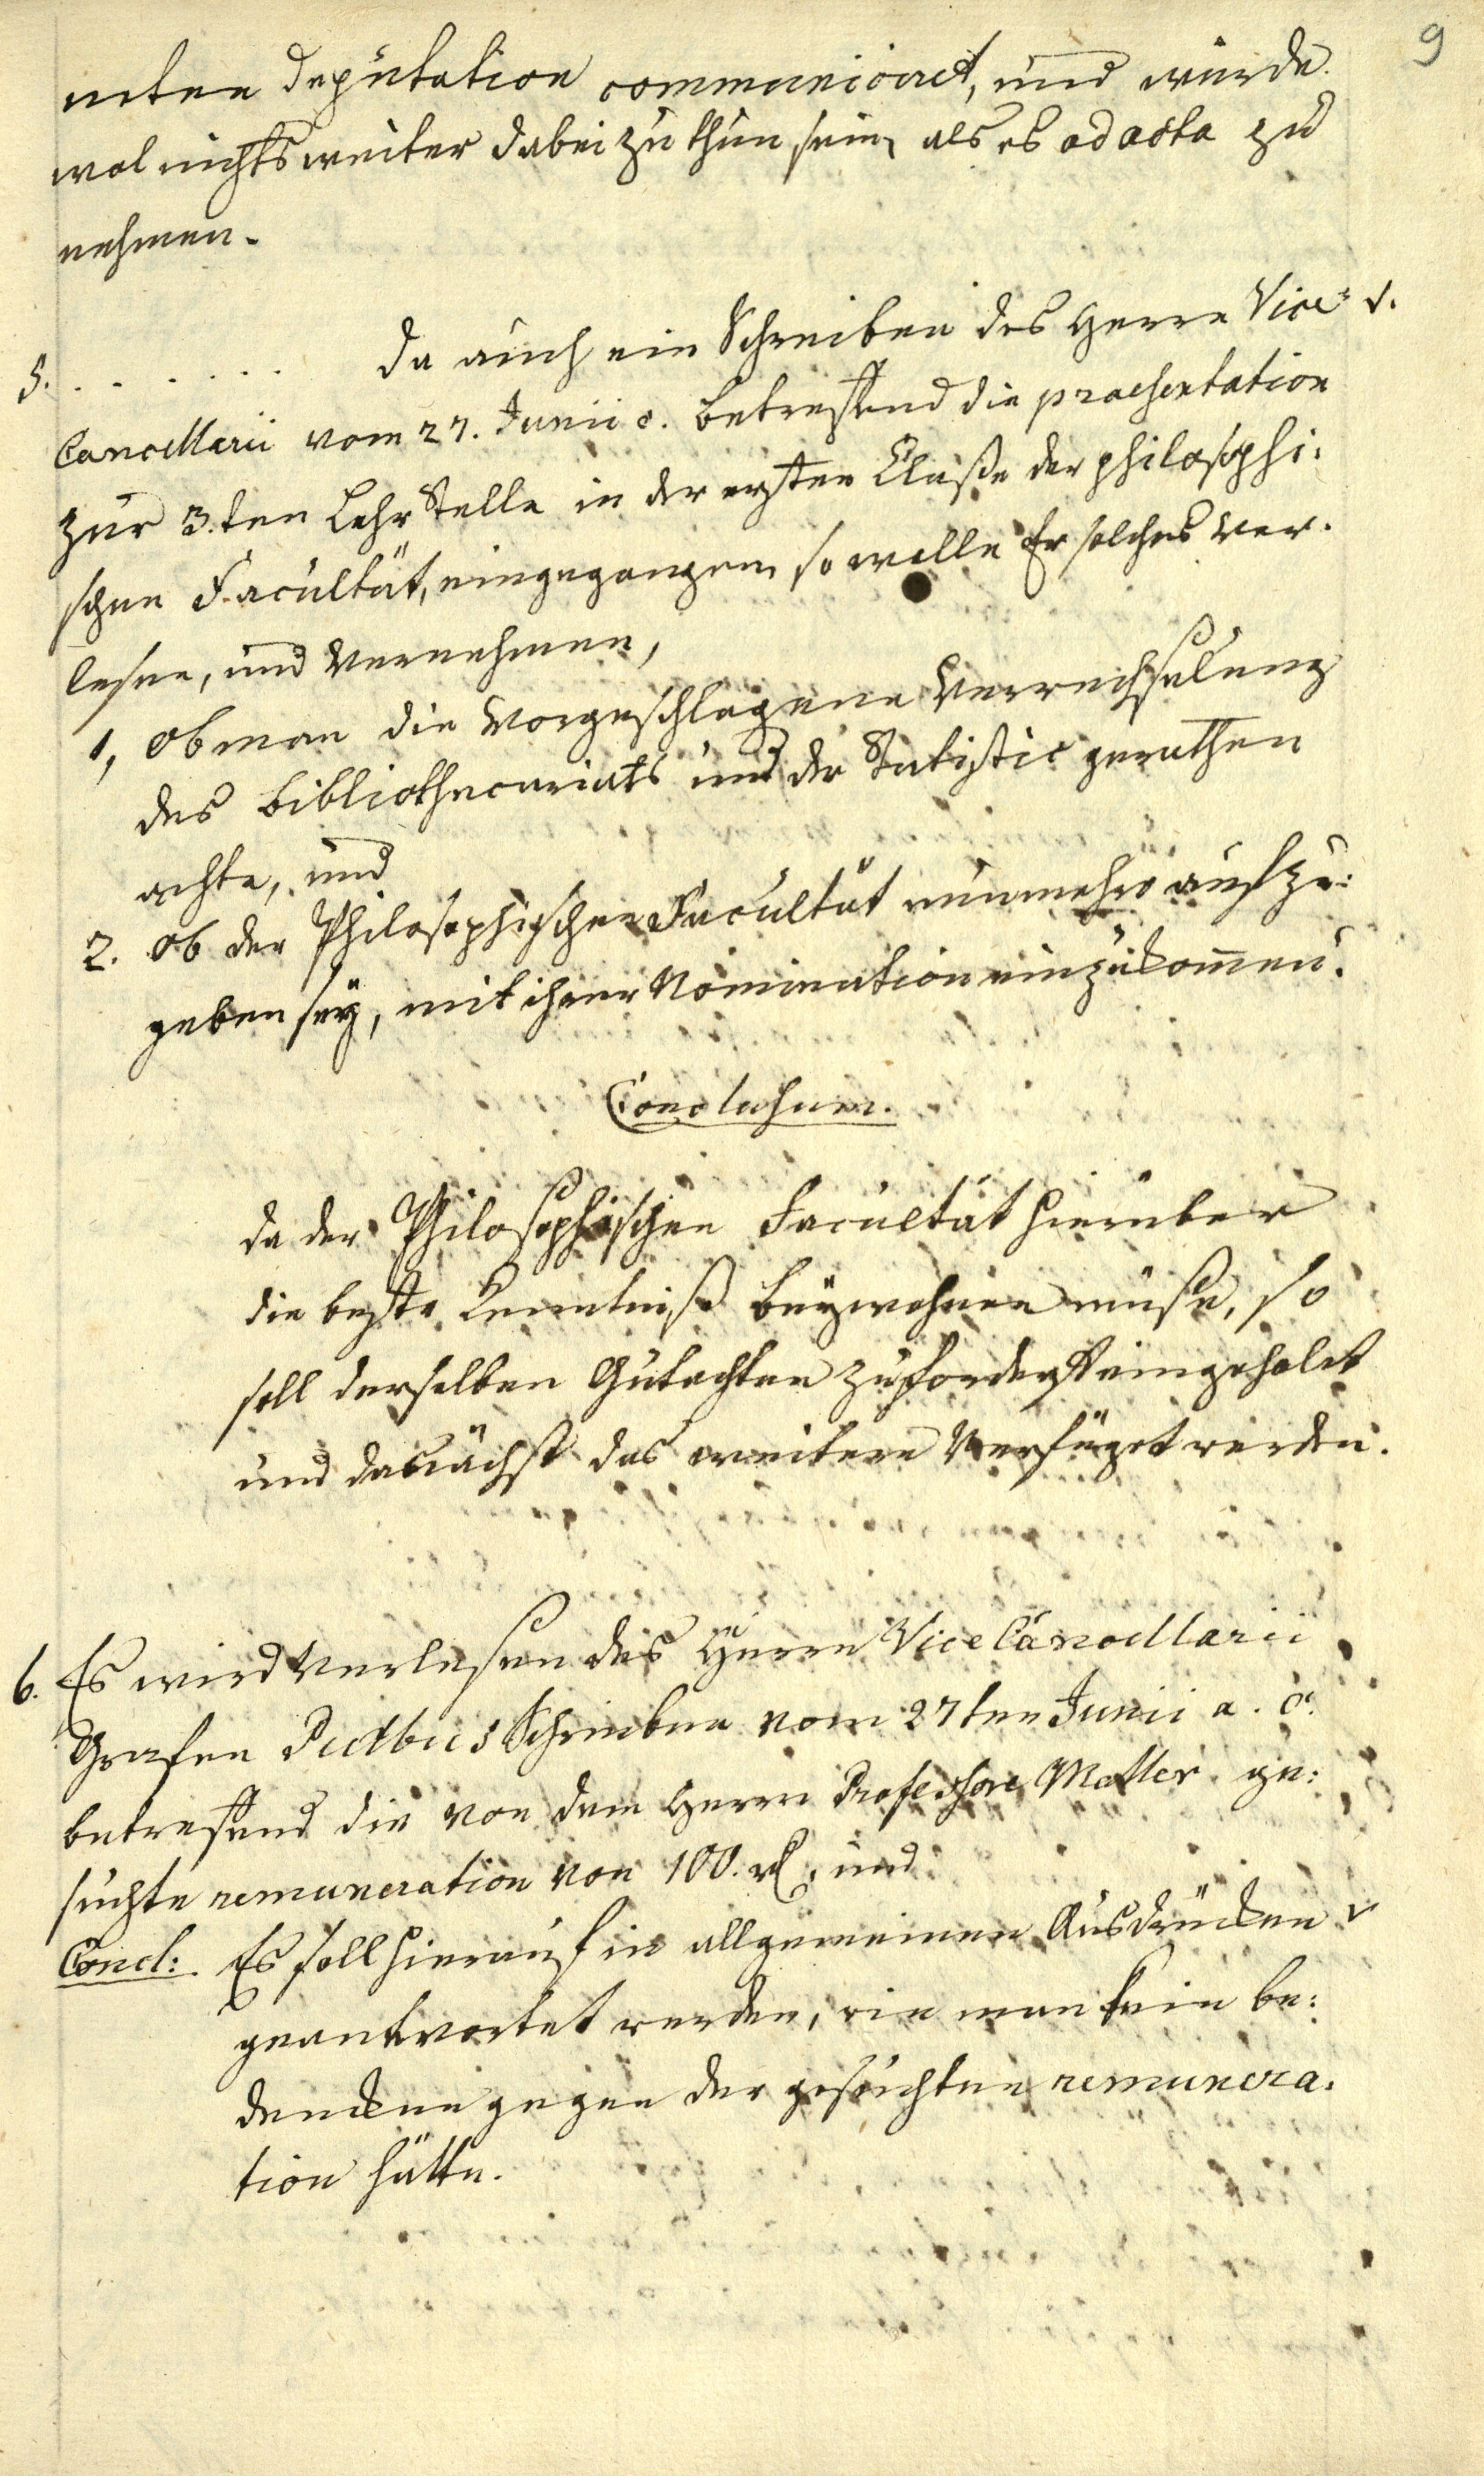neten deputationcommuniciret, und würde
wol nichts weiter dabei zu thun sein, als es ad acta zu
nehmen.
5. Da auch ein Schreiben des Herrn Vice¬
Cancellarii vom 27. Junii c. betreffend die praesentation
zur 3ten Lehrstelle in der ersten Classe der philosophi¬
schen Facultät, eingegangen, so wolle Er solches ver¬
lesen, und vernehmen,
1, ob man die vorgeschlagene Verwechselung
des Bibliothecariats und die Statistic gerathen
achte, und
2. ob der Philosophischen Facultät nunmehro aufzu¬
geben seÿ, mit ihrer Nomination einzukomen?
Conclusum
da der Philosophischen Facultät hierüber
die beste Kenntniß beÿwohnen müße, so
soll derselben Gutachten zuforderst eingeholet
und danächst das weitere verfüget werden.
6. Es wird verlesen des Herrn der Cancellarii
Grafen Putbus Schreiben vom 27ten Junii a.c.
betreffend die von der Herrn Professor Möller ge¬
suchte remuneration von 100. rl, und
Concl. Es soll hierauf in allgemeinen Ausdrücken
geantwortet werden, wie man kein Be¬
dencken gegen der gesuchten remunera¬
tion hätte.